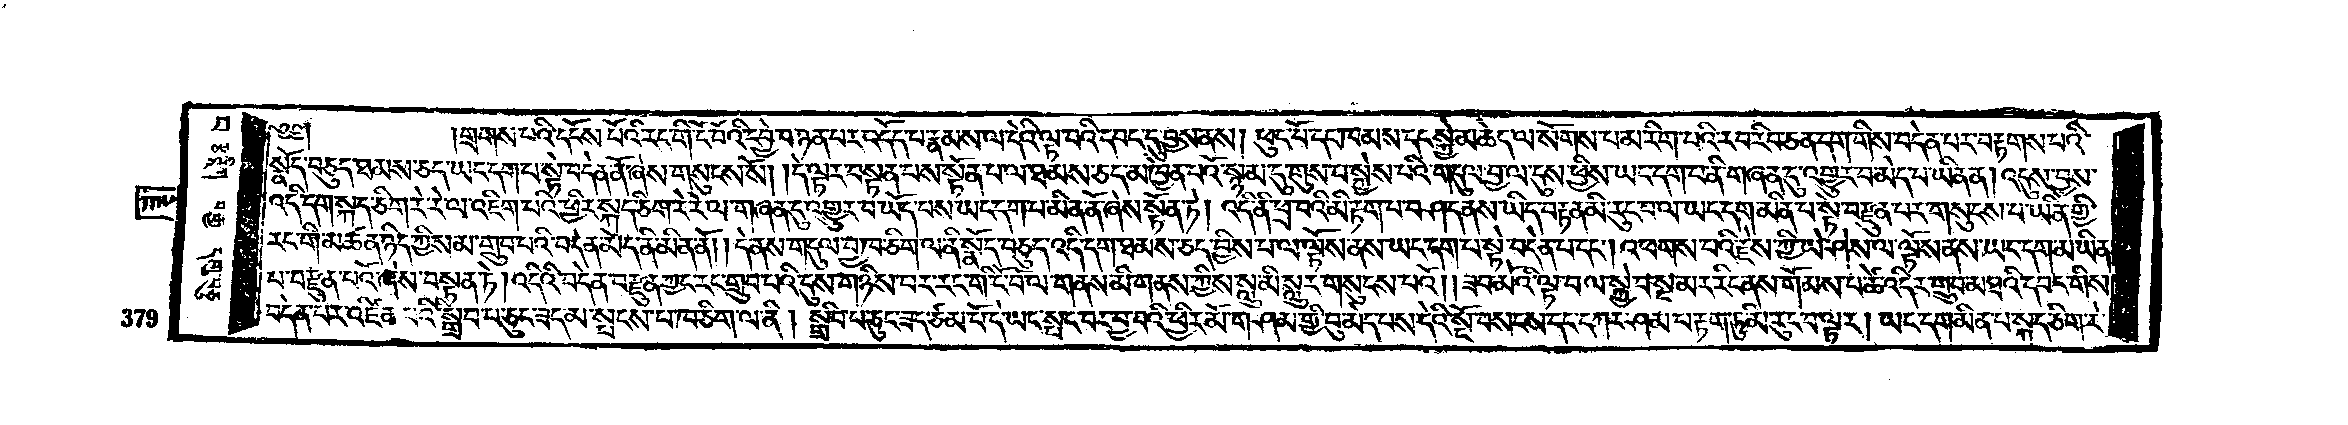༄༅། །གྲགས་པའི་དངོས་པོའི་རང་གི་ངོ་བོའི་དབྱེ་བ་ཉན་པར་འདོད་པ་རྣམས་ལ་དེའི་ལྟ་བའི་དབང་དུ་བྱས་ནས། ཕུང་པོ་དང་ཁམས་དང་སྐྱེ་མཆེད་ལ་སོགས་པ་མ་རིག་པའི་རབ་རིབ་ཅན་དག་གིས་བདེན་པར་བརྟགས་པའི་
སྣོད་བཅུད་ཐམས་ཅད་ཡང་དག་པ་སྟེ་བདེན་ནོ་ཞེས་གསུངས་སོ། །དེ་ལྟར་བསྟན་པས་སྟོན་པ་ལ་ཐམས་ཅད་མཁྱེན་པའོ་སྙམ་དུ་གུས་པ་སྐྱེས་པའི་གདུལ་བྱ་ལ་དུས་ཕྱིས་ཡང་དག་པ་ནི་གཞན་དུ་འགྱུར་བ་མེད་པ་ཡིན་ན། འདུས་བྱས་
འདི་དག་སྐད་ཅིག་རེ་རེ་ལ་འཇིག་པའི་ཕྱིར་སྐད་ཅིག་རེ་རེ་ལ་གཞན་དུ་འགྱུར་བ་ཡོད་པས་ཡང་དག་པ་མིན་ནོ་ཞེས་སྟོན་ཏེ། འདི་ནི་ཕྲ་བའི་མི་རྟག་པ་བཤད་ནས་ཡིད་བརྟན་མི་རུང་བ་ལ་ཡང་དག་མིན་པ་སྟེ་བརྫུན་པར་གསུངས་པ་ཡིན་གྱི་
རང་གི་མཚན་ཉིད་ཀྱིས་མ་གྲུབ་པའི་བདེན་མེད་ནི་མིན་ནོ། །དེ་ནས་གདུལ་བྱ་ཁ་ཅིག་ལ་ནི་སྣོད་བཅུད་འདི་དག་ཐམས་ཅད་བྱིས་པ་ལ་ལྟོས་ནས་ཡང་དག་པ་སྟེ་བདེན་པ་དང་། འཕགས་པའི་རྗེས་ཀྱི་ཡེ་ཤེས་ལ་ལྟོས་ནས་ཡང་དག་མ་ཡིན་
པ་བརྫུན་པའོ་ཞེས་བསྟན་ཏེ། འདིའི་བདེན་བརྫུན་ཀྱང་རང་གྲུབ་པའི་དུས་གཉིས་པར་རང་གི་ངོ་བོ་ལ་གནས་མི་གནས་ཀྱིས་སླུ་མི་སླུར་གསུངས་པའོ། །ཟབ་མོའི་ལྟ་བ་ལ་སྐྱེ་བ་སྔ་མར་རིང་ནས་གོམས་པ་ཚེ་འདིར་གྲུབ་མཐའི་དབང་གིས་
བདེན་པར་འཛིན་པའི་སྒྲབ་པ་ཅུང་ཟད་མ་སྤངས་པ་ཁ་ཅིག་ལ་ནི། སྒྲིབ་པ་ཅུང་ཟད་ཙམ་པོ་དེ་ཡང་སྤང་བར་བྱ་བའི་ཕྱིར་མོ་གཤམ་གྱི་བུ་མེད་པས་དེའི་སྔོ་བསངས་དང་དཀར་ཤམ་པ་རྟག་ཏུ་མི་རུང་བ་ལྟར། ཡང་དག་མིན་པ་སྐད་ཅིག་རེ་